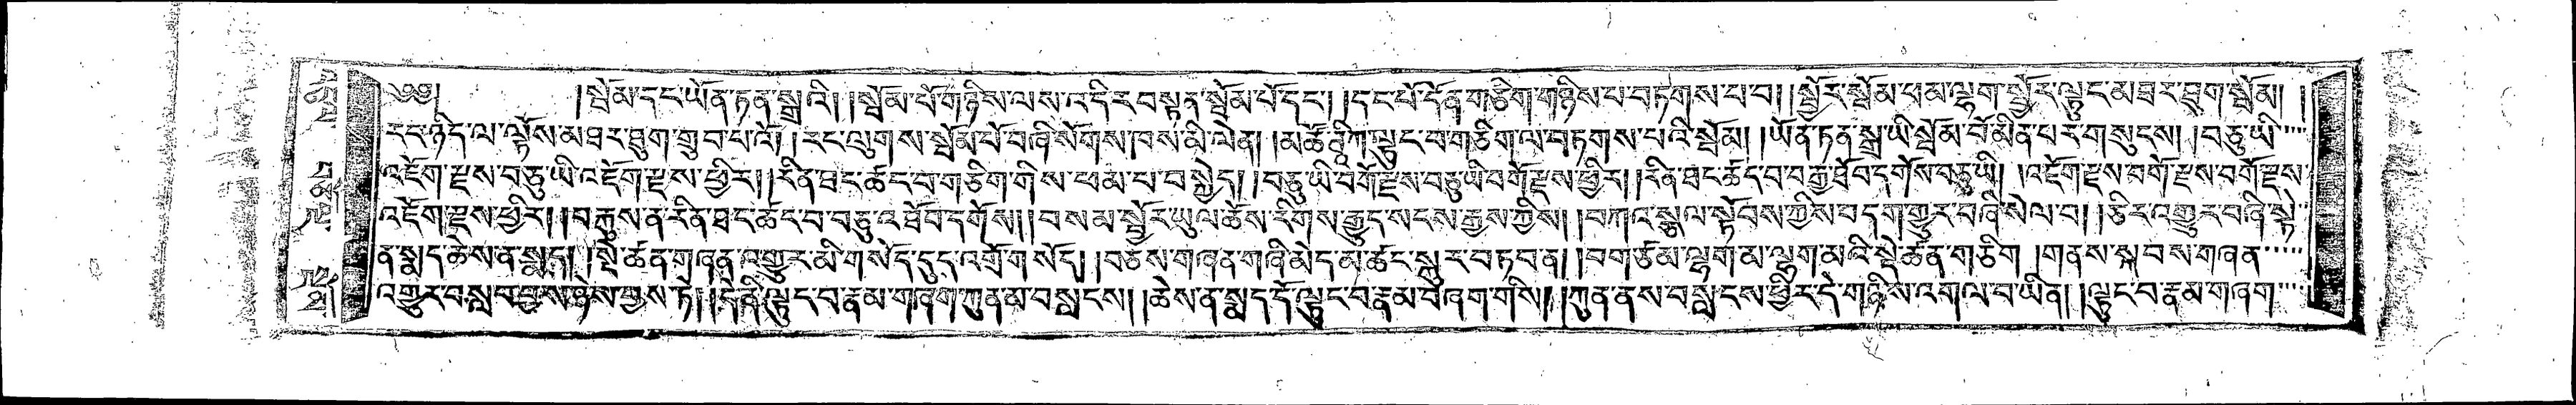༄༅། །སྦོམ་དང་ཡོན་ཏན་སྒྲའི། །སྦོམ་པོ་གཉིས་ལས་འདིར་བསྟན་སྦོམ་པོ་དང་། །དང་པོ་དོན་གཅིག་གཉིས་པ་བཏགས་པ་བ། །སྦྱོར་སྦོམ་ཕམ་ལྷག་སྦྱོར་ལྟུང་མཐར་ཐུག་སྦོམ། །
རང་ཉིད་ལ་ལྟོས་མཐར་ཐུག་གྲུབ་པའོ། །རང་ལུགས་སྦོམ་པོ་བཞི་སོགས་ཁས་མི་ལེན། །མཚོ་ཊཱིཀ་ལྟུང་བ་གཅིག་ལ་བཏགས་པའི་སྦོམ། །ཡོན་ཏན་སྒྲ་ཡི་སྦོམ་པོ་མིན་པར་གསུངས། །བཅུ་ཡི་
འཇོག་རྫས་བཅུ་ཡི་འཇོག་རྫས་ཕྱིར། །རིན་ཐང་ཚང་བ་གཅིག་གིས་ཕམ་པ་བསྐྱེད། །བཅུ་ཡི་བགོ་རྫས་བཅུ་ཡི་བགོ་རྫས་ཕྱིར། །རིན་ཐང་ཚད་བ་བརྒྱ་ཐོབ་དགོས་བཅུ་ཡི། །འཇོག་རྫས་བགོ་རྫས་བགོ་རྫས་
འཇོག་རྫས་ཕྱིར། །བརྐུས་ན་རིན་ཐང་ཚང་བ་བཅུ་འཐོབ་དགོས། །བསམ་སྦྱོར་ཡུལ་ཆོས་རིགས་རྒྱུད་སངས་རྒྱས་ཀྱིས། །བཀའ་སྩལ་སྟོབས་ཀྱིས་བདག་གྱུར་བཞི་སེལ་བ། །ཅིར་འགྱུར་བཞི་སྟེ་
ན་སྨད་ཆེས་ན་སྨད། །སྡེ་ཚན་གཞན་འགྱུར་མི་གསོད་དུད་འགྲོ་གསོད། །བཅས་གཞན་གཞི་མེད་མ་ཚང་སྐུར་བཏབ་ན། །བག་ཙམ་ལྷག་མ་ལྷག་མའི་སྡེ་ཚན་གཅིག །གནས་སྐབས་གཞན་
འགྱུར་བསླབ་བྱས་ཉེས་བྱས་ཏེ། །དེ་ནི་ལྟུང་བ་རྣམ་གཞག་ཀུན་མ་བསླངས། །ཆེས་ན་སྨད་དོ་ལྟུང་བ་རྣམ་བཞག་གིས། །ཀུན་ནས་བསླངས་ཕྱིར་དེ་གཉིས་འགལ་བ་ཡིན། །ལྟུང་བ་རྣམ་གཞག་